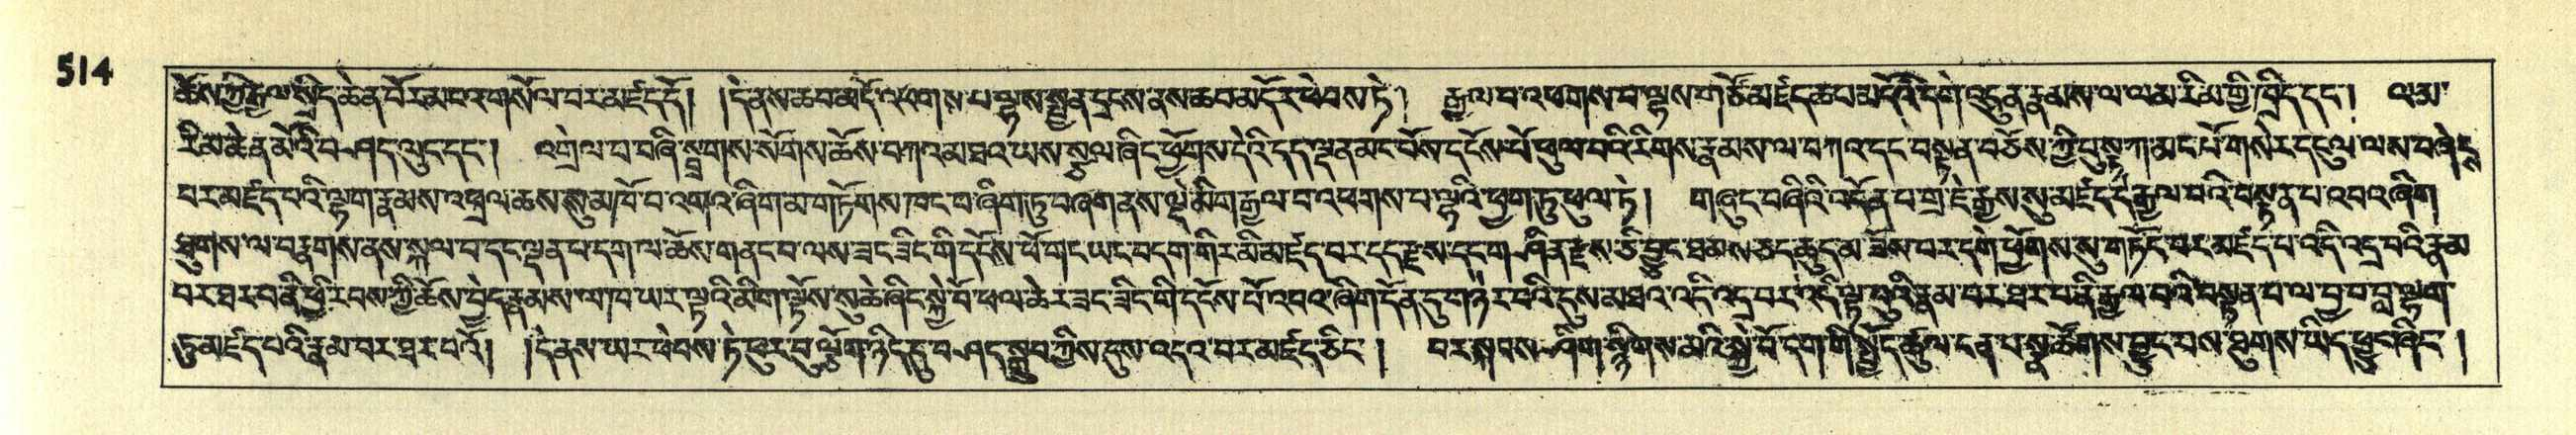ཆོས་ཀྱི་རྒྱལ་སྲིད་ཆེན་བོར་མངའ་གསོལ་བར་མཛད་དོ། །དེ་ནས་ཆབ་མདོ་འཕགས་པ་ལྷས་སྤྱན་དྲངས་ནས་ཆབ་མདོར་ཕེབས་ཏེ། རྒྱལ་བ་འཕགས་བ་ལྷས་གཙོ་མཛད་ཆ་བ་མདོའི་དགེ་འདུན་རྣམས་ལ་ལམ་རིམ་གྱི་ཁྲིད་དང་། ལམ་
རིམ་ཆེན་མོའི་བཤད་ལུང་དང་། འགྲེལ་བ་བཞི་སྦྲགས་སོགས་ཆོས་བཀའ་མཐའ་ཡས་སྩལ་ཞིང་ཕྱོགས་དེའི་དད་ལྡན་མང་བོས་དངོས་པོ་ཕུལ་བའི་རིགས་རྣམས་ལ་བཀའ་དང་བསྟན་བཅོས་ཀྱི་པུ་སྟ་ཀ་མང་པོ་གསེར་དངུལ་ལས་བཞེངས་
པར་མཛད་པའི་ལྷག་རྣམས་འབྲལ་ཆས་སུ་མཁོ་བ་འགའ་ཞིག་མ་གཏོགས་ཁང་བ་ཞིག་ཏུ་བཞག་ནས་ལྡེ་མིག་རྒྱལ་བ་འཕགས་པ་ལྷའི་ཕྱག་ཏུ་ཕུལ་ཏེ། གཞུང་བཞིའི་འདོན་པ་གྲ་རྗེ་རྒྱས་སུ་མཛད་དེ་རྒྱལ་བའི་བསྟན་པ་འབའ་ཞིག་
ཐུགས་ལ་བརྣགས་ནས་སྐལ་བ་དང་ལྡན་བདག་ལ་ཆོས་གནང་བ་ལས་ཟང་ཟིང་གི་དངོས་པོ་གང་ཡང་བདག་གིར་མི་མཛད་བར་དང་རྫས་དང་གཤིན་རྫས་ཅི་བྱུང་ཐམས་ཅད་ཆུད་མ་ཟོས་པར་དགེ་ཕྱོགས་སུ་གཏོང་བར་མཛད་པ་འདི་འདྲ་བའི་རྣམ་
བར་ཐར་བ་ནི་ཕྱི་རབས་ཀྱི་ཆོས་བྱེད་རྣམས་ལ་ཁ་ཡར་ལྟའི་མིག་ལྟོས་སུ་ཆེ་ཞིང་སྐྱེ་བོ་ཕལ་ཆེར་ཟང་ཞིང་གི་དངོས་པོ་འབའ་ཞིག་དོན་དུ་གཉེར་བའི་དུས་མཐའ་འདི་འདྲ་བར་འདི་ལྟ་བུའི་རྣམ་པར་ཐར་པ་ནི་རྒྱལ་བའི་བསྟན་པ་ལ་བྱ་བ་བླ་ལྷག་
ཏུ་མཛད་པའི་རྣམ་བར་ཐར་བའོ། །དེ་ནས་ཡར་ཕེབས་ཏེ་ཕུར་བུ་ལྕོག་ཉིད་དུ་བཤད་སྒྲུབ་ཀྱིས་དུས་འདའ་བར་མཛད་ཅིང་། བར་སྐབས་ཤིག་སྙིགས་མའི་སྐྱེ་བོ་དག་གི་སྤྱོད་ཚུལ་ངན་པ་སྣ་ཚོགས་བྱུང་བས་ཐུགས་ཡིད་ཕྱུང་ཞིང་།